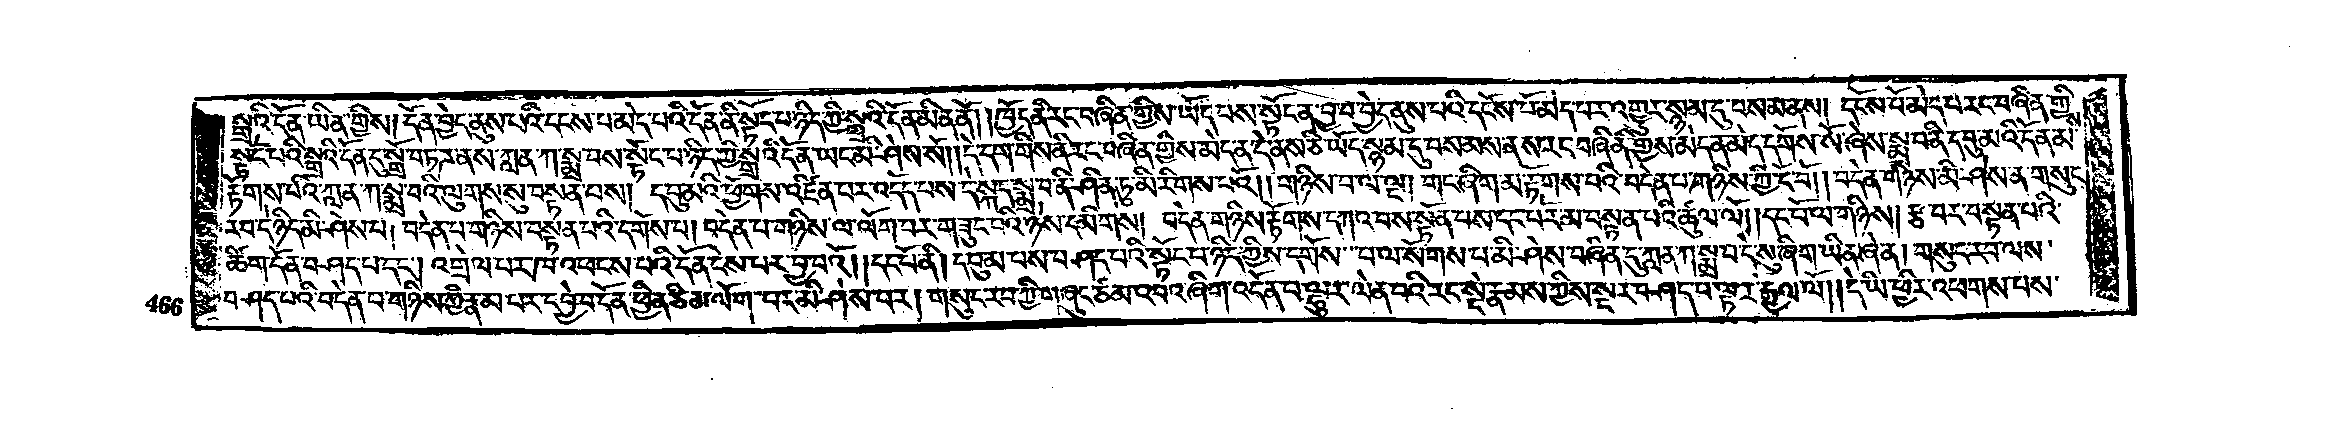སྒྲའི་དོན་ཡིན་གྱིས། དོན་བྱེད་ནུས་པའི་དངོས་པོ་མེད་པའི་དོན་ནི་སྟོང་པ་ཉིད་ཀྱི་སྒོའི་དོན་མིན་ནོ། །ཁྱོད་ནི་རང་བཞིན་གྱིས་ཡོད་པས་སྟོང་ན་བྱ་བ་བྱེད་ནུས་པའི་དངོས་པོ་མེད་པར་འགྱུར་སྙམ་དུ་བསམ་ནས། དངོས་པོ་མེད་པ་རང་བཞིན་གྱི་
སྟོང་པའི་སྒྲའི་དོན་དུ་སྒྲོ་བཏཌ་ནས་ཀླན་ཀ་སྨྲ་བས་སྟོང་པ་ཉིད་ཀྱི་སྒྲོའི་དོན་ཡང་མི་ཤེས་སོ། །དེ་དག་གིས་ནི་རང་བཞིན་གྱིས་མེད་ན་དེ་ནས་ཅི་ཡོད་སྙམ་དུ་བསམས་ནས་རང་བཞིན་གྱིས་མེད་ན་མེད་དགོས་སོ་ཞེས་སྨྲ་བ་ནི་དབུ་མའི་དོན་མ་
རྟོགས་པའི་ཀླན་ཀ་སྨྲ་བའི་ལུགས་སུ་བསྟན་པས། དབུ་མའི་ཕྱོགས་འཛིན་པར་འདོད་པས་དེ་སྐད་སྨྲ་བ་ནི་ཤིན་ཏུ་མི་རིགས་པའོ། །གཉིས་པ་ལ་ལྔ། གང་ཞིག་མ་རྟོགས་པའི་བདེན་པ་གཉིས་ཀྱི་ངོ་བོ། བདེན་གཉིས་མི་ཤེས་ན་གསུང་
པ། དེ་ཉིད་མི་ཤེས་པ། བདེན་པ་གཉིས་བསྟན་པའི་དགོས་པ། བདེན་པ་གཉིས་ལ་ལོག་པར་གཟུང་བའི་ཉེས་དམིགས། བདེན་གཉིས་རྟོགས་དཀའ་པས་སྟོན་པས་དང་པོར་མ་བསྟན་པའི་ཚུལ་ལོ། །དང་པོ་ལ་གཉིས། རྩ་བར་བསྟན་པའི་
ཚིག་དོན་བཤད་པ་དང་། འགྲེལ་པར་ཁ་འཕངས་པའི་དོན་ངེས་པར་བྱ་བའོ། །དང་པོ་ནི། དབུ་མ་པས་བཤད་པའི་སྟོང་པ་ཉིད་ཀྱིས་དགོས་པ་ལ་སོགས་པ་མི་ཤེས་བཞིན་དུ་ཀླན་ཀ་སྨྲ་བ་དེ་སུ་ཞིག་ཡིན་ཞེ་ན། གསུང་རབ་ལས་
བཤད་པའི་བདེན་པ་གཉིས་ཀྱི་རྣམ་པར་དབྱེ་བ་དོན་ཕྱིན་ཅི་མ་ལོག་པར་མི་ཤེས་པར། གསུང་རབ་ཀྱི་གཞུང་ཙམ་འབའ་ཞིག་འདོན་པ་ལྷུར་ལེན་པའི་རང་སྡེ་རྣམས་ཀྱིས་སྔར་བཤད་པ་ལྟར་རྒོལ་ལོ། །དེ་ཡི་ཕྱིར་འཕགས་པས་